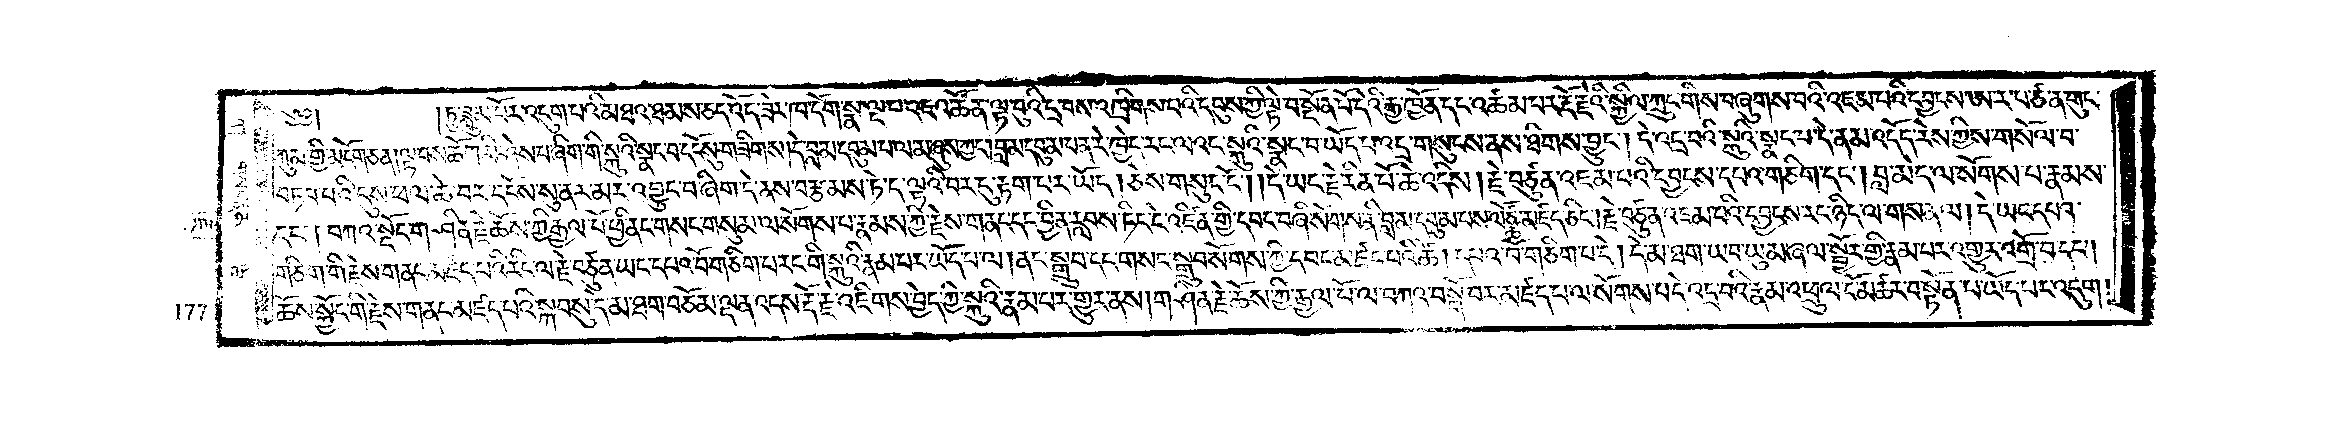༄༅། །ཏུ་ཟླུམ་པོར་འདུག་པའི་མཐའ་ཐམས་ཅད་འོད་ཟེར་ཁ་དོག་སྣ་ལྔ་པ་འཇའ་ཚོན་ལྟ་བུའི་དྲ་བས་འཁྲིགས་པའི་དབུས་ཀྱི་ལྟེ་བ་སྔོན་པོ་དེའི་རྒྱ་ཁྱོན་དང་འཚམ་པར་རྡོ་རྗེའི་སྐྱིལ་ཀྲུང་གིས་བཞུགས་པའི་འཇམ་པའི་དབྱངས་ཨ་ར་པ་ཙ་ན་གུང་
ཀུམ་གྱི་མདོག་ཅན། ལྟ་བས་ཆོག་མི་ཤེས་པ་ཞིག་གི་སྐུའི་སྣང་བ་དངོས་སུ་གཟིགས། དེ་བླ་མ་དབུ་མ་པ་ལ་མ་ཞུས་ཀྱང་། བླ་མ་དབུ་མ་པ་ན་རེ་ཁྱེད་རང་ལའང་སྐུའི་སྣང་བ་ཡོད་པ་འདྲ་གསུངས་ནས་ཐིགས་བྱུང་། དེ་འདྲ་བའི་སྐུའི་སྣང་བ་དེ་ནམ་འདོད་རེས་ཀྱིས་གསོལ་བ་
བཏབ་པའི་དུས་ཕལ་ཆེ་བར་དངོས་སུ་ནར་མར་འབྱུང་བ་ཞིག་དེ་ནས་བརྩམས་ཏེ་ད་ལྟའི་བར་དུ་རྟག་པར་ཡོད། ཅེས་གསུང་ངོ། །དེ་ཡང་རྗེ་རིན་པོ་ཆེ་འདིས། རྗེ་བཙུན་འཇམ་པའི་དབྱངས་དཔའ་གཅིག་དང་། བླ་མེད་ལ་སོགས་པ་རྣམས་
དང་། བཀའ་སྡོད་གཤིན་རྗེ་ཆོས་ཀྱི་རྒྱལ་པོ་ཕྱི་ནང་གསང་གསུམ་ལ་སོགས་པ་རྣམས་ཀྱི་རྗེས་གནང་དང་བྱིན་རླབས་ཏིང་ངེ་འཛིན་གྱི་དབང་བཞི་སོགས་ནི་བླ་མ་དབུ་མ་པས་ལོཙྪ་མཛད་ཅིང་། རྗེ་བཙུན་འཇམ་པའི་དབྱངས་རང་ཉིད་ལ་གསན་ལ། དེ་ཡང་དཔའ་
གཅིག་གི་རྗེས་གནང་མཛད་པའི་རིང་ལ་རྗེ་བཙུན་ཡང་དཔའ་བོ་གཅིག་པ་རང་གི་སྐུའི་རྣམ་པར་ཡོད་པ་ལ། ནང་སྒྲུབ་དང་གསང་སྒྲུབ་སོགས་ཀྱི་དབང་མཛད་པའི་ཚེ། དཔའ་བོ་གཅིག་པ་དེ། དེ་མ་ཐག་ཡབ་ཡུམ་ཞལ་སྦྱོར་གྱི་རྣམ་པར་འགྱུར་འགྲོ་བ་དང་།
ཆོས་སྐྱོང་གི་རྗེས་གནང་མཛད་པའི་སྐབས་སུ་དེ་མ་ཐག་བཅོམ་ལྡན་འདས་རྡོ་རྗེ་འཇིགས་བྱེད་ཀྱི་སྐུའི་རྣམ་པར་གྱུར་ནས། གཤིན་རྗེ་ཆོས་ཀྱི་རྒྱལ་པོ་ལ་བཀའ་བསྒོ་བར་མཛད་པ་ལ་སོགས་པ་དེ་འདྲ་བའི་རྣམ་འཕྲུལ་ངོ་མཚར་བསྟོན་པ་ཡོད་པར་འདུག་